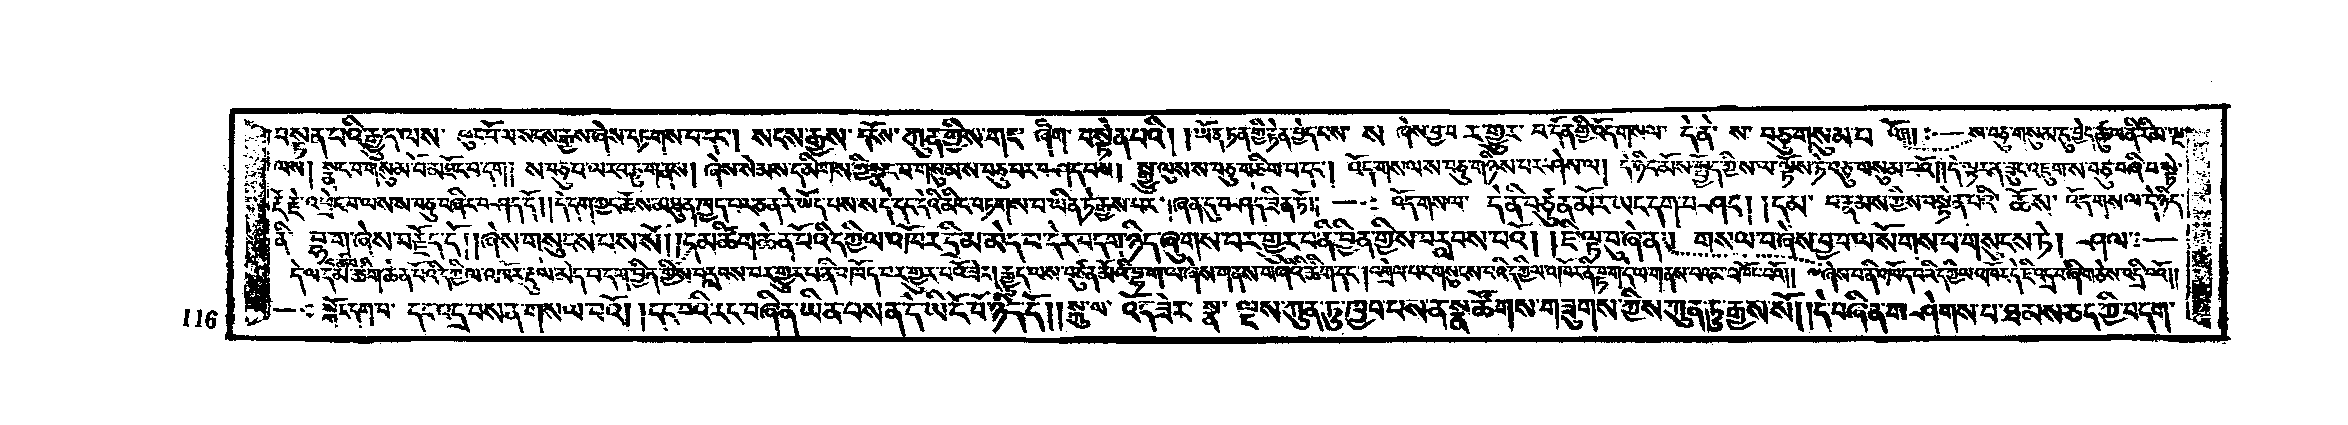བསྟན་པའི་རྒྱུད་ལས་ཕུང་པོ་ལ་སངས་རྒྱས་ཞེས་བཏགས་པ་དང་།  སངས་རྒྱས་དངོས་ཀུན་གྱིས་གང་ཞིག་བསྟེན་པའི། ཡོན་ཏན་གྱི་རྟེན་བྱེད་པས་ས་ཞེས་བྱ་བར་གྱུར་པ་དོན་གྱི་འོད་གསལ་དེ་ནི་ས་བཅུ་གསུམ་པའོ།། ས་བཅུ་གསུམ་དུ་བྱེད་ཚུལ་ནི་རིམ་ལྔ་
ལས། སྣང་བ་གསུམ་པོ་མཐོང་བ་དག །ས་བཅུ་པ་ལ་རབ་ཏུ་གནས། ཞེས་སེམས་དམིགས་ཀྱི་སྣང་བ་གསུམ་ས་བཅུ་བར་བཤད་པས། སྒྱུ་ལུས་ས་བཅུ་གཅིག་པ་དང་། འོད་གསལ་ས་བཅུ་གཉིས་པར་ཤེས་ལ། དེ་ཉིད་མོས་སྤྱོད་ཀྱི་ས་ལ་ལྟོས་ཏེ་བཅུ་གསུམ་པའོ། །དེ་ལྟར་ན་ཟུང་འཇུག་ས་བཅུ་བཞི་བ་སྟེ་
རྡོ་རྗེ་འཕྲེང་བ་ལས་ས་བཅུ་བཞིར་བཤད་དོ། །དེ་དག་ཀྱང་ཆོས་མཐུན་ཁྱད་པར་ཅན་རེ་ཡོད་པས་ས་དེ་དང་དེའི་མིང་བཏགས་པ་ཡིན་ཏེ་རྒྱས་པར་གཞན་དུ་བཤད་ཟིན་ཏོ།། འོད་གསལ་དེ་ནི་བཙུན་མོར་ཡང་དག་བཤད། །དམ་པ་རྣམས་ཀྱིས་བསྟེན་པའི་ཆོས་འོད་གསལ་དེ་ཉིད་
ནི་བྷ་ག་ཞེས་བརྗོད་དོ། །ཞེས་གསུངས་པས་སོ། །དམ་ཚིག་ཆེན་པོའི་དཀྱིལ་འཁོར་དྲི་མ་མེད་པ་དེར་བདག་ཉིད་ཞུགས་པར་གྱུར་པ་ནི་བྱིན་གྱིས་བརླབས་པའོ། །ཇི་ལྟ་བུ་ཞེ་ན། གསལ་བ་ཞེས་བྱ་བ་ལ་སོགས་པ་གསུངས་ཏེ། ཤལ་
༈དེ་ལ་དམ་ཚིག་ཆེན་པོའི་དཀྱིལ་འཁོར་རྡུལ་མེད་པ་དག་བྱིན་གྱིས་བརླབས་པར་གྱུར་པ་ནི་འཁོད་པར་གྱུར་པའོ་ཟེར། རྒྱུད་ལས་བཙུན་མོའི་བྷ་ག་ལ་ཞེས་གནས་གཞིའི་ཚིག་དང་། འགྲེལ་པར་གསུངས་པའི་དཀྱིལ་འཁོར་ནི་བྷ་ག་དེ་ལ་གནས་པའམ་འཕྲོད་པའོ།། ༧ཞེས་པ་ནི་འཁོད་པའི་དཀྱིལ་འཁོར་དེ་ཇི་འདྲ་བ་ཞིག་ཅེས་འདྲི་བའོ།།
.Hསྒོང་དགེ་བ་དང་འདྲ་བས་ན་གསལ་བའོ། །དང་བའི་རང་བཞིན་ཡིན་པས་ན་དེ་ཡི་ངོ་བོ་ཉིད་དོ། ། སྐུ་ལ་འོད་ཟེར་སྣ་ལྔས་ཀུན་ཏུ་ཁྱབ་པས་ན་སྣ་ཚོགས་གཟུགས་ཀྱིས་ཀུན་ཏུ་རྒྱས་སོ། །དེ་བཞིན་གཤེགས་པ་ཐམས་ཅད་ཀྱི་བདག་